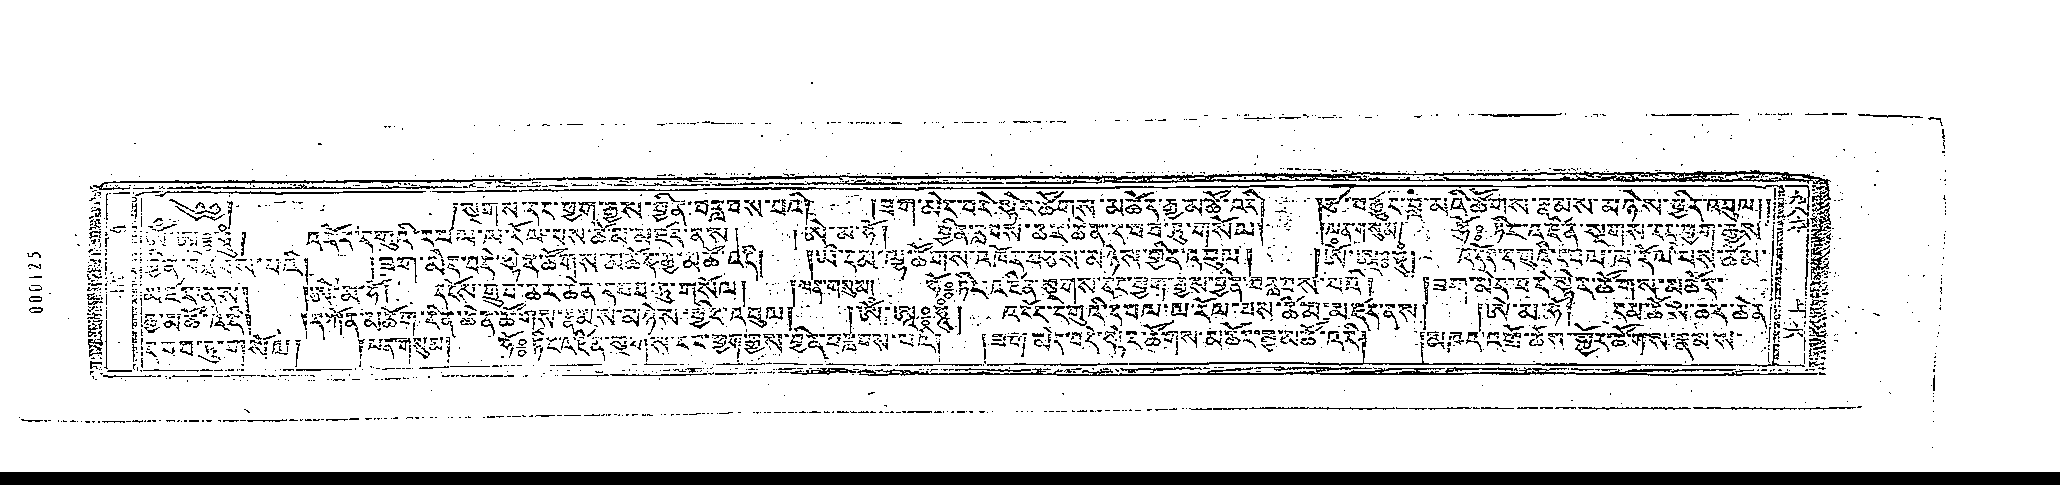༄༅། །སྔགས་དང་ཕྱག་རྒྱས་བྱིན་བརླབས་པའི། །ཟག་མེད་བདེ་སྟེར་ཚོགས་མཆོད་རྒྱ་མཚོ་འདི། །རྩ་བརྒྱུད་བླ་མའི་ཚོགས་རྣམས་མཉེས་ཕྱིར་འབུལ།།
ཨོཾ་ཨཱཿ་ཧཱུཾ། འདོད་དགུའི་དཔལ་ལ་རོལ་པས་ཚིམ་མཛད་ནས། །ཨེ་མ་ཧོ། བྱིན་རླབས་ཆར་ཆེན་དབབ་ཏུ་གསོལ། །ལན་གསུམ། ཧོཿ་ཏིང་འཛིན་སྔགས་དང་ཕྱག་རྒྱས་
བྱིན་བརླབས་པའི། །ཟག་མེད་བདེ་སྟེར་ཚོགས་མཆོད་རྒྱ་མཚོ་འདི། །ཡི་དམ་ལྷ་ཚོགས་འཁོར་བཅས་མཉེས་ཕྱིར་འབུལ། །ཨོཾ་ཨཱཿ་ཧཱུཾ། འདོད་དགུའི་དཔལ་ལ་རོལ་བས་ཚིམ་
མཛད་ནས། །ཨེ་མ་ཧོ། དངོས་གྲུབ་ཆར་ཆེན་དབབ་ཏུ་གསོལ། །ལན་གསུམ། ཧོཿ་ཏིང་འཛིན་སྔགས་དང་ཕྱག་རྒྱས་བྱིན་བརླབས་པའི། །ཟག་མེད་བདེ་སྟེར་ཚོགས་མཆོད་
རྒྱ་མཚོ་འདི། །དཀོན་མཆོག་རིན་ཆེན་ཚོགས་རྣམས་མཉེས་ཕྱིར་འབུལ། །ཨོཾ་ཨཱཿ་ཧཱུཾ། འདོད་དགུའི་དཔལ་ལ་རོལ་པས་ཚིམ་མཛད་ནས། །ཨེ་མ་ཧོ། དམ་ཆོས་ཆར་ཆེན་
དབབ་ཏུ་གསོལ། །ལན་གསུམ། ཧོཿ་ཏིང་འཛིན་སྔགས་དང་ཕྱག་རྒྱས་བྱིན་བརླབས་པའི། །ཟག་མེད་བདེ་སྟེར་ཚོགས་མཆོད་རྒྱ་མཚོ་འདི། །མཁའ་འགྲོ་ཆོས་སྐྱོང་ཚོགས་རྣམས་